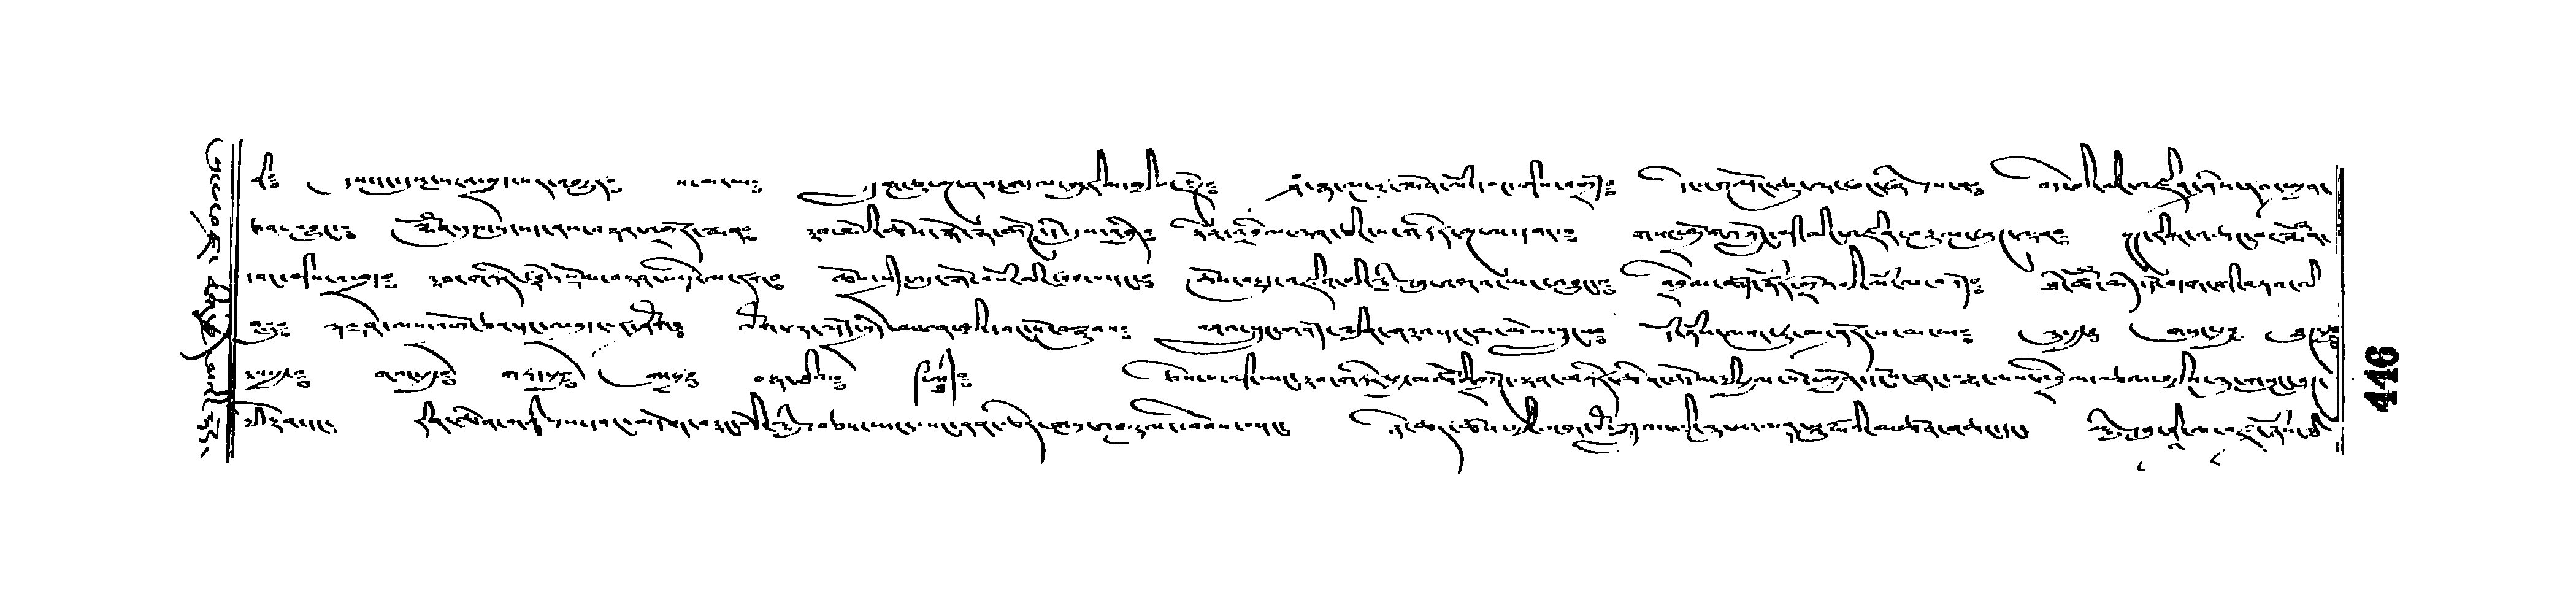ནི༔ དུས་དང་དུས་སུ་འཕྲད་པར་འགྱུར༔ ས་མ་ཡ༔ དྲུག་ཅུ་ལྔ་ནས་འདུལ་བྱ་རིམ་གྱིས་རྫོགས༔ ཤཾ་བྷ་ལ་རུ་སྨོན་ལམ་དབང་གིས་བགྲོད༔ དེ་ནས་འདོང་ཆུ་ལྷ་ཁང་ཞེས་པ་ན༔ བདེ་བའི་མིང་འཛིན་ཤེས་རབ་སྤྱན་
ཅན་འབྱུང༔ སྨོན་ལམ་དུས་སུ་སད་ནས་བསྟན་འགྲོར་སྨན༔ ཟབ་མོའི་ཆོས་སྒོ་སྣ་ཚོགས་དེ་དུས་འབྱེད༔ རྟེན་འབྲེལ་ལྡན་ཅིང་ས་གཏེར་ལྔ་ལ་དབང༔ གསང་གྲོགས་ཀློང་གི་མིང་འཛིན་བརྟུལ་ཞུགས་ལྡན༔ སྔགས་རིགས་འཆང་བ་སྨོན་ལམ་
དབང་གིས་འཕྲད༔ ཟབ་གཏེར་ཁྲོལ་སྡོམ་བསྟན་པ་དེ་ལ་རག༔ ཆོས་སྲིད་འདུ་སྒོ་བསམ་མི་ཁྱབ་པ་དང༔ ཆོས་བརྒྱུད་འཛིན་པའི་སྐྱེས་བུ་འགའ་ཡང་འབྱུང༔ འབྲེལ་ཚད་རྣམ་པར་གྲོལ་པའི་ལམ་ལ་བཀོད༔ ཐེ་ཚོམ་མེད་དོ་བདག་གི་བཀའ་མི་
བསླུ༔ སྐལ་ལྡན་ལས་འཕྲོ་ཅན་དང་འཕྲད་པར་ཤོག༔ ལོག་ལྟ་འདོད་སྲེད་མཁན་གྱི་དབང་པོ་བསྣུབས༔ བཀའ་སྲུང་གནོད་སྦྱིན་གཟའ་དང་མ་མོས་སྲུངས༔ དམ་ཉམས་ལག་ཏུ་མ་ཤོར་ས་མ་ཡ༔ སྐུ་རྒྱ༔ གསུང་རྒྱ༔ ཐུགས་
རྒྱ༔ ཟས་རྒྱ༔ གསང་རྒྱ༔ གཏད་རྒྱ༔ གུ་ཧྱ༔ བརྡ་ཐིམ༔ ༔ ཅེས་པ་འདི་ཡང་ཟབ་གཏེར་རྒྱ་མཚོའི་གྲོགས་ལྡན་གཏེར་ཆེན་ཆོས་ཀྱི་རྒྱལ་པོ་ཨོ་རྒྱན་དངོས་སྣང་པདྨ་ལས་འབྲེལ་རྩལ་གྱིས་སྐུ་གསུང་ཐུགས་
ཀྱི་རྟེན་དང༔རིན་ཆེན་གཉིས་པ་དབང་མདོག་བཟང་པོའི་སྐྱེས་བཅས་ཡང་ཡང་ནན་ཆེར་གསུང་བསྐུལ་ཕེབས་བ་དང༔ ཉེ་ཆར་ཆོས་ཀྱི་བདག་པོ་སྤྲུལ་པའི་སྐུ་ས་མནྟ་སུརྻའྀ་མཚན་འཆང་དང༔ སྐྱེས་བུ་ཤཱི་ལ་བཛྲ་རྣམས་ཀྱི་